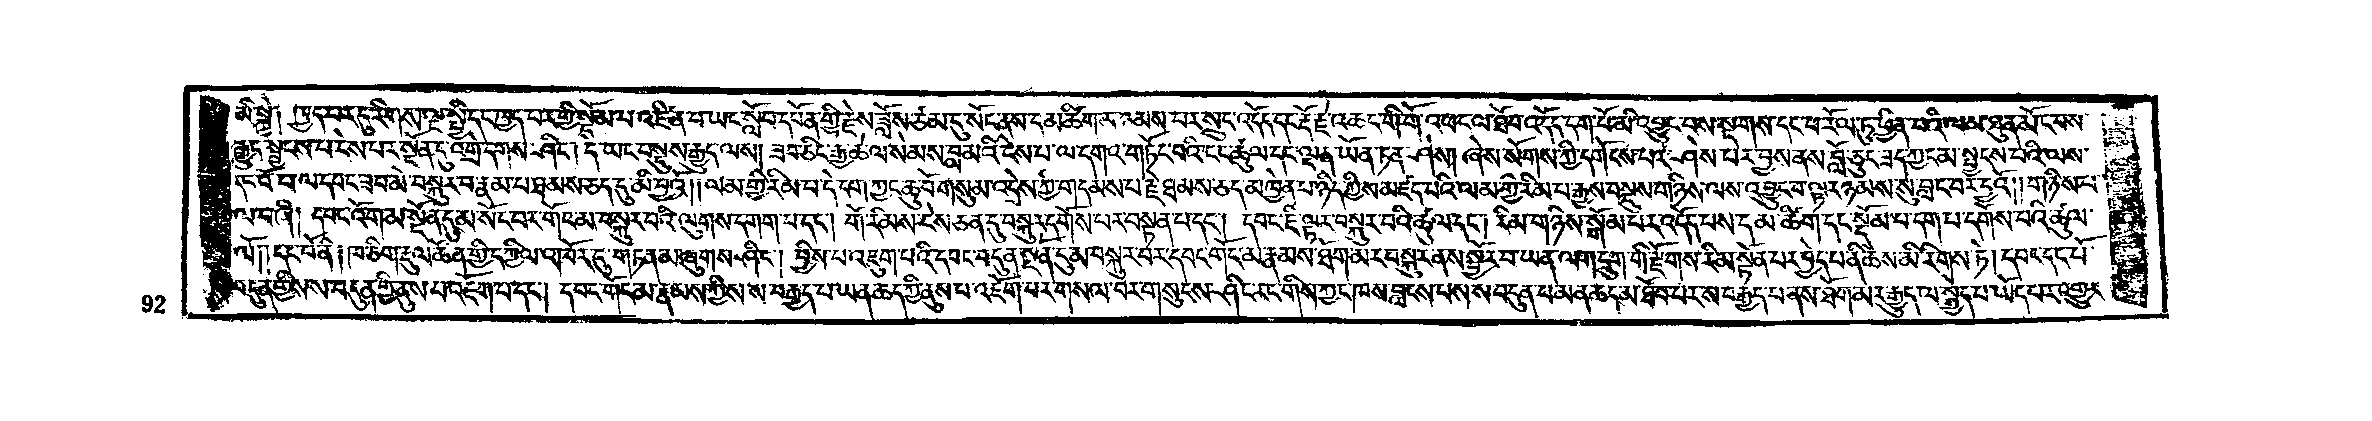མི་སྐྱེ། ཁྱད་པར་དུ་རིགས་ལྔ་སྤྱི་དང་ཁྱད་པར་གྱི་སྡོམ་པ་འཛིན་པ་ཡང་སློབ་དཔོན་གྱི་རྗེས་ཟློས་ཙམ་དུ་སོང་ནས་དམ་ཚིག་མ་ཉམས་པར་སྲུང་འདོད་དང་རྡོ་རྗེ་འཆང་གི་གོ་འཕང་ལ་ཐོབ་འདོད་དག་པོ་མི་འབྱུང་བས་སྔགས་དང་ཕ་རོལ་ཏུ་ཕྱིན་པའི་ལམ་ཐུན་མོང་བས་
རྒྱུད་སྦྱངས་པ་ངེས་པར་སྔོན་དུ་འགྲོ་དགོས་ཤིང་། དེ་ཡང་བསྡུས་རྒྱུད་ལས། ཟབ་ཅིང་རྒྱ་ཆེ་ལ་སེམས་བླ་མའི་ངེས་པ་ལ་དགའ་གཏོང་བའི་ངང་ཚུལ་དང་ལྡན་ཡོན་ཏན་ཤེས། ཞེས་སོགས་ཀྱི་དགོངས་པར་ཤེས་པར་བྱས་ནས་བློ་ཅུང་ཟད་ཀྱང་མ་སྦྱངས་པའི་ལས་
དང་པོ་བ་ལ་དབང་ཟབ་མེ་བསྐུར་བ་རྣམ་པ་ཐམས་ཅད་དུ་མི་བྱའོ། །ལམ་གྱི་རིམ་པ་དེ་དག་ཀྱང་ཆུ་བོ་གསུམ་འདྲེས་ཀྱི་གདམས་པ་རྗེ་ཐམས་ཅད་མཁྱེན་པ་ཉིད་ཀྱིས་མཛད་པའི་ལམ་གྱི་རིམ་པ་རྒྱས་བསྡུས་གཉིས་ལས་འབྱུང་བ་ལྟར་ཉམས་སུ་བླང་བར་བྱའོ། །གཉིས་པ་
ལ་བཞི། དབང་འོག་མ་སྔོན་དུ་མ་སོང་བར་གོའམ་བསྐུར་བའི་ལུགས་དགག་པ་དང་། གོ་རིམས་ངེས་ཅན་དུ་བསྐུར་དགོས་པར་བསྟན་པ་དང་། དབང་ཇི་ལྟར་བསྐུར་བའི་ཚུལ་དང་། རིམ་གཉིས་སྒོམ་པར་འདོད་པས་དམ་ཚིག་དང་སྡོམ་པ་དག་པ་དགོས་པའི་ཚུལ་
ལོ། །དང་པོ་ནི། ཁ་ཅིག་རྡུལ་ཚོན་གྱི་དཀྱིལ་འཁོར་དུ་གཏན་མ་ཞུགས་ཤིང་། བྱིས་པ་འཇུག་པའི་དབང་བདུན་སྔོན་དུ་མ་བསྐུར་བར་དབང་གོང་མ་རྣམས་ཐོག་མར་བསྐུར་ནས་སྦྱོར་བ་ཡན་ལག་དྲུག་གི་རྫོགས་རིམ་སྟོན་པར་བྱེད་པ་ནི་ཆེས་མི་རིགས་ཏེ། དབང་དང་པོ་
བདུན་གྱིས་ས་བདུན་གྱི་ནུས་པ་འཇོག་པ་དང་། དབང་གོང་མ་རྣམས་ཀྱིས་ས་བརྒྱད་པ་ཡན་ཆད་ཀྱི་ནུས་པ་འཇོག་པར་གསལ་བར་གསུངས་ཤིང་རང་གིས་ཀྱང་ཁས་བླངས་པས་ས་བདུན་པ་མན་ཆད་མ་ཐོབ་པར་ས་བརྒྱད་པ་ནས་ཐོག་མར་རྒྱུད་ལ་སྐྱེད་པ་ཡོད་པར་འགྱུར་